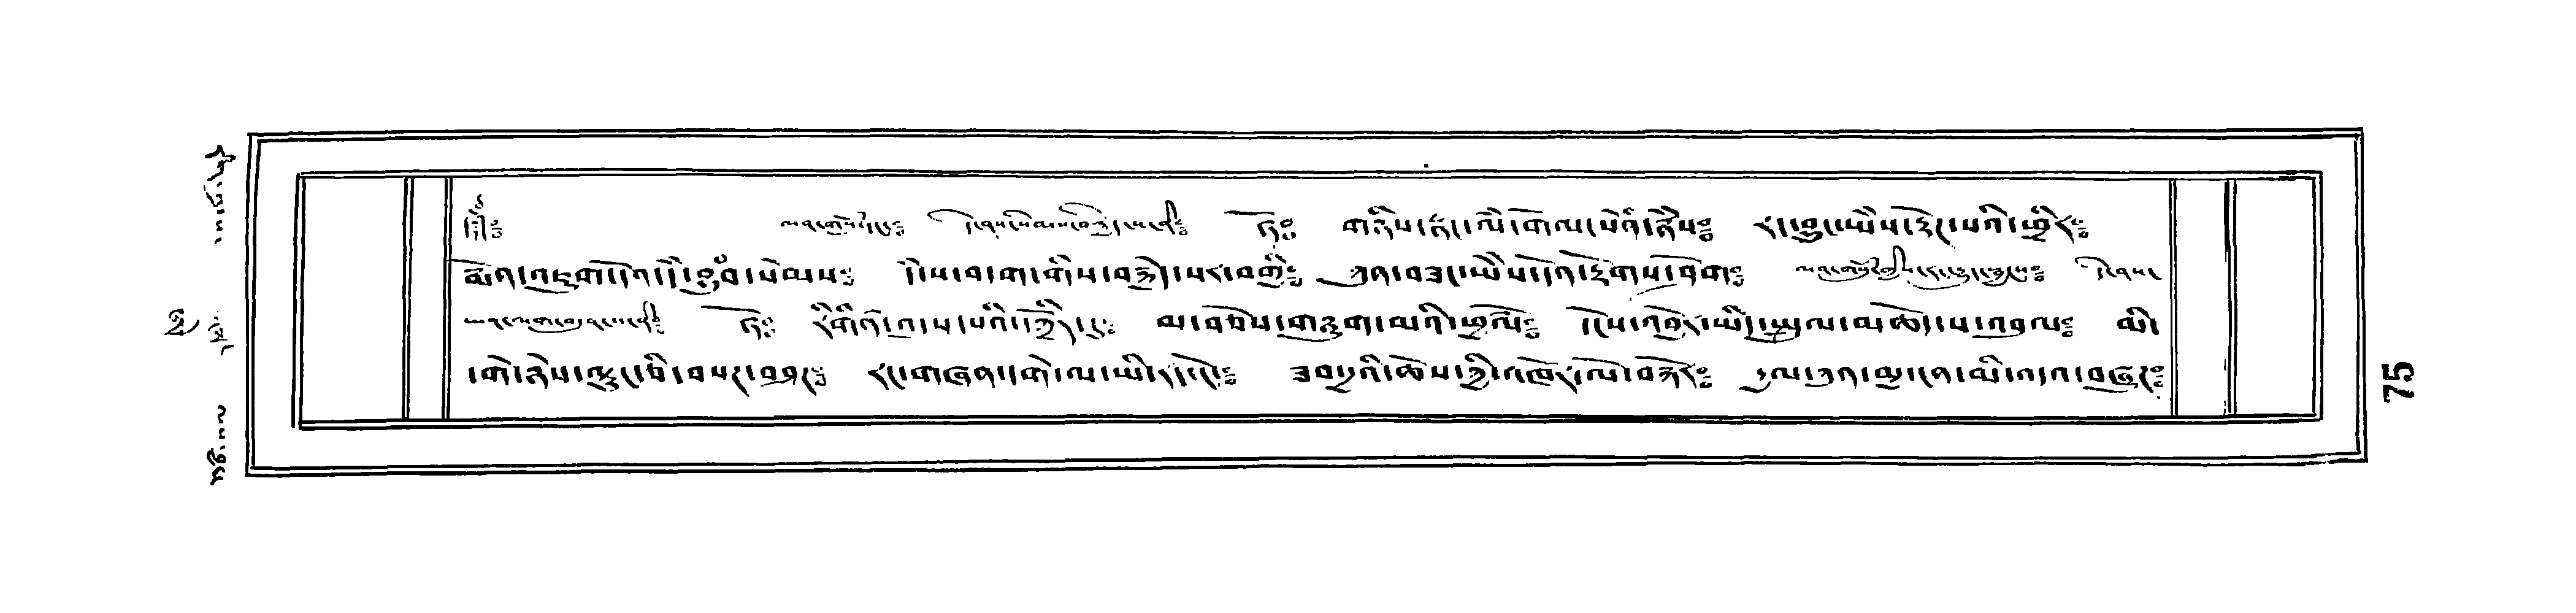ལན་གསུམ་དང༔ དེ་ནས་སེམས་བསྐྱེད་པ་ནི༔ ཧོཿ གཉིས་སྣང་ལམ་གོལ་སེམས་ཅན་རྣམས༔ རང་བྱུང་ཡེ་ཤེས་རྟོགས་པའི་ཕྱིར༔ 
སྨོན་འཇུག་དོན་དམ་བྱང་ཆུབ་སེམས༔ དམ་པ་བདག་གིས་བསྐྱེད་པར་བགྱི༔ ཀུན་བཟང་ཡེ་ཤེས་དོན་རྟོགས་ཤོག༔ ལན་གསུམ་གྱིས་རང་རྒྱུད་སྦྱངས༔ དེ་ནས་
ཡན་ལག་བདུན་པ་ནི༔ ཧོཿ རིག་འཛིན་འདུས་པའི་དཀྱིལ་འཁོར་དུ༔ མ་བཅོས་གཉུག་མའི་ཕྱག་འཚལ་ལོ༔ དངོས་འབྱོར་ཡིད་སྤྲུལ་མཆོད་པ་འབུལ༔ མི་
དགེ་ཉེས་ལྟུང་ཅི་བསགས་བཤགས༔ རང་གཞན་དགེ་ལ་ཡི་རང་ངོ༔ ཟབ་རྒྱས་ཆོས་ཀྱི་འཁོར་ལོ་བསྐོར༔ རྒྱལ་ཀུན་མྱ་ངན་མི་འདའ་བཞུགས༔